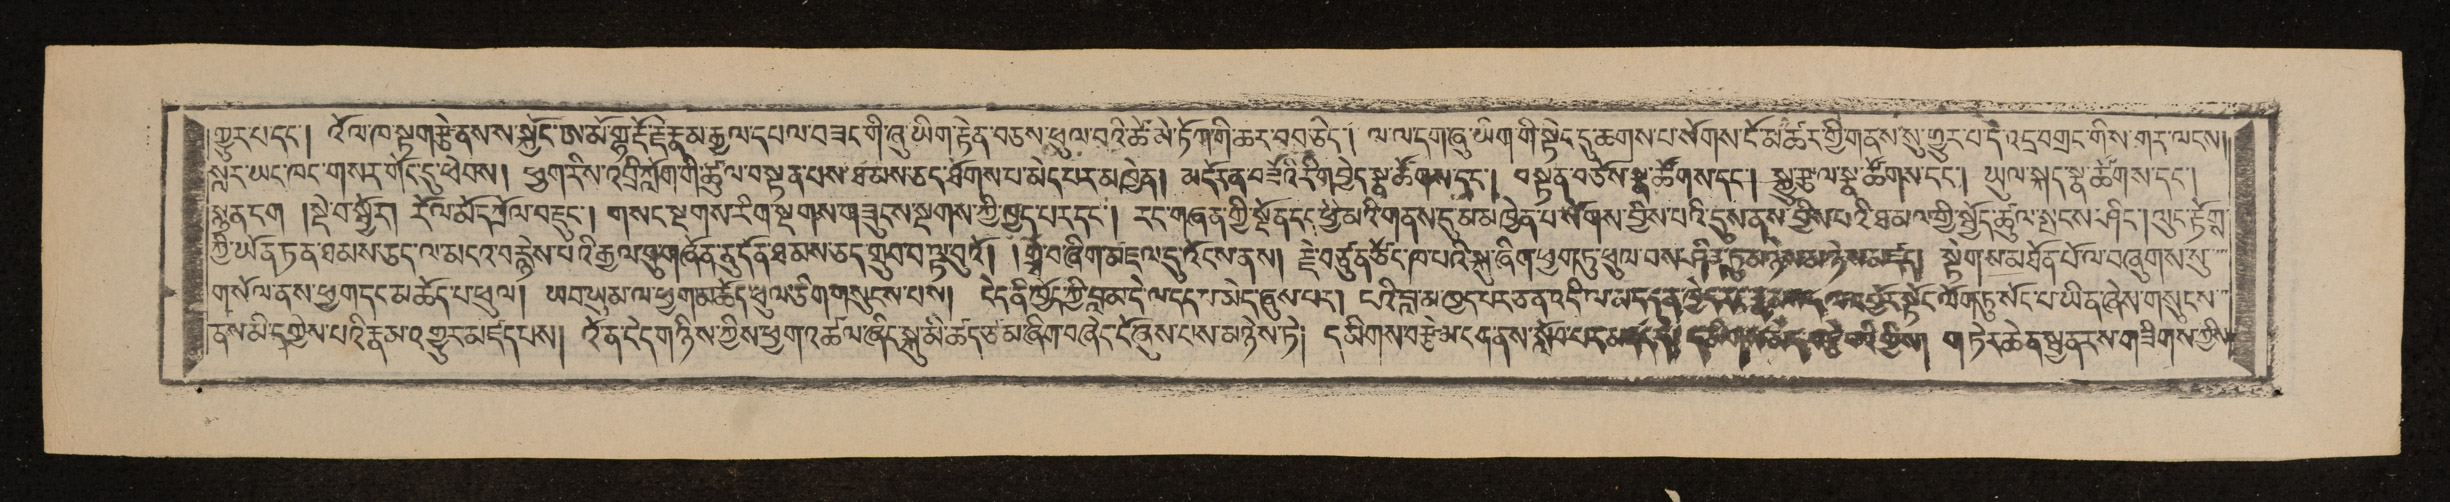གྱུར་པ་དང་། འོལ་ཁ་སྟག་རྩེ་ནས་ས་སྐྱོང་ཨ་མོ་གྷ་རྡོ་རྗེ་རྣམ་རྒྱལ་དཔལ་བཟང་གི་ཞུ་ཡིག་རྟེན་བཅས་ཕུལ་བའི་ཚེ་མེ་ཏོག་གི་ཆར་པ་བཅིང་། ལ་ལ་དག་ཞུ་ཡིག་གི་སྟེང་དུ་ཆགས་པ་སོགས་ངོ་མཚར་གྱི་གནས་སུ་གྱུར་བ་དེ་འདྲ་བ་གྲང་གིས་གར་ལངས་
སླར་ཡང་ཁང་གསར་གོང་དུ་ཕེབས། ཕྱག་རིས་འབྲི་ཀློག་གི་ཚུལ་བསྟན་པས་ཐམས་ཅད་ཐོགས་པ་མེད་པར་མཁྱེན། མདོར་ན་བཟོའི་རིག་བྱེད་སྣ་ཚོགས་དང་། བསྟན་བཅོས་སྣ་ཚོགས་དང་། སྒྱུ་རྩལ་སྣ་ཚོགས་དང་། ཡུལ་སྐད་སྣ་ཚོགས་དང་།
སྙན་ངག །སྡེབ་སྦྱོར། རོལ་མོ་དཀྲོལ་བརྡུང་། གསང་སྔགས་རིག་སྔགས་གཟུངས་སྔགས་ཀྱི་ཁྱད་པར་དང་། རང་གཞན་གྱི་སྔོན་དང་ཕྱི་མའི་གནས་དུ་མ་མཁྱེན་པ་སོགས་བྱིས་པའི་དུས་ནས་བྱིས་པའི་ཐ་མལ་གྱི་སྦྱོད་ཚུལ་སྤངས་ཤིང་། ལུང་རྟོགས་
ཀྱི་ཡོན་ཏན་ཐམས་ཅད་ལ་མངའ་བརྙེས་པའི་རྒྱལ་བུ་གཞོན་ནུ་དོན་ཐམས་ཅད་གྲུབ་པ་ལྟ་བུའོ། །གྲྭ་བ་ཞིག་མཇལ་དུ་འོངས་ནས། རྗེ་བཙུན་ཙོང་ཁ་པའི་སྐུ་ཞིག་ཕྱག་ཏུ་ཕུལ་བས་ཤིན་ཏུ་མཉེས་མཉེས་མཛད། སྟེགས་མཐོན་པོ་ལ་བཞུགས་སུ་
གསོལ་ནས་ཕྱག་དང་མཆོད་པ་ཕུལ། ཡབ་ཡུམ་ལ་ཕྱག་མཆོད་ཕུལ་ཅིག་གསུངས་བས། ངེད་ནི་ཁྱོད་ཀྱི་བླ་མ་དེ་ལ་དད་པ་མེད་ཞུས་པར། ངའི་བླ་མ་ཁྱད་པར་ཅན་འདི་ལམ་དང་ན་ཁྱེད་རང་རྣམས་དལ་འབྱོར་སྟོང་ལོག་ཏུ་སོང་བ་ཡིན་ཞེས་གསུངས་
ནས་མི་དགྱེས་པའི་རྣམ་འགྱུར་མཛད་པས། འོ་ན་ངེད་གཉིས་ཀྱིས་ཕྱག་འཚལ་ཞིང་སྐུ་མི་ཚད་ཙམ་ཞིག་བཞེང་ངོ་ཞུས་པས་མཉེས་ཏེ། དམིགས་བརྩེ་མ་ངག་ནས་སློབ་པར་མཛད་དེ། དམིགས་མེད་བརྩེ་བའི་གྱིས། གཏེར་ཆེན་སྤྱན་རས་གཟིགས་ཀྱིས་